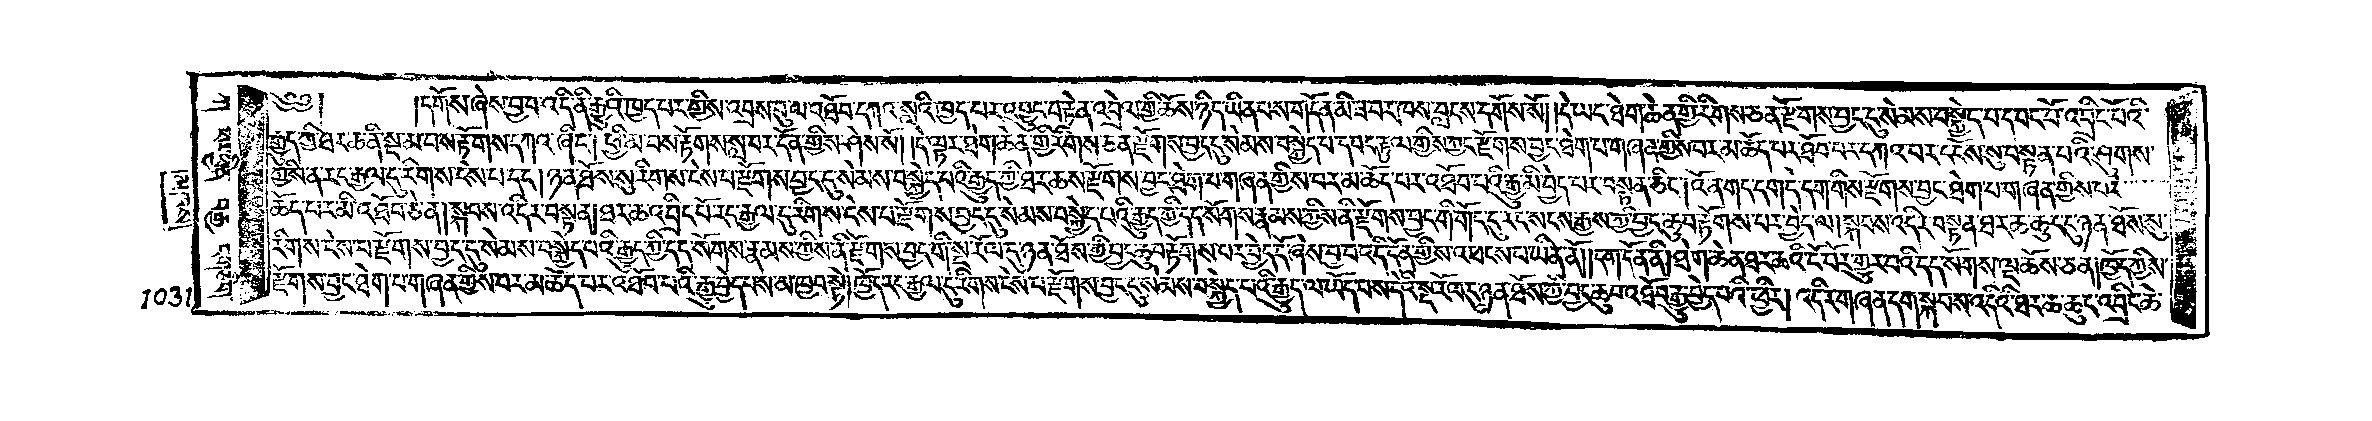༄༅། །དགོས་ཞེས་བྱ་བ་འདི་ནི་རྒྱུའི་ཁྱད་པར་གྱིས་འབྲས་བུ་ལ་འཐོབ་དཀའ་སླའི་ཁྱད་པར་འབྱུང་བ་རྟེན་འབྲེལ་གྱི་ཆོས་ཉིད་ཡིན་པས་གདོན་མི་ཟ་བར་ཁས་བླངས་དགོས་སོ། །དེ་ཡང་ཐེག་ཆེན་གྱི་རིགས་ཅན་རྫོགས་བྱང་དུ་སེམས་བསྐྱེད་པ་དབང་པོ་འབྲིང་པོའི་
རྒྱུད་ཀྱི་ཐར་ཆ་ནི་སྔ་མ་པས་རྟོགས་དཀའ་ཞིང་། ཕྱི་མ་བས་རྟོགས་སླ་བར་དོན་གྱིས་ཤེས་སོ། །དེ་ལྟར་ཐེག་ཆེན་གྱི་རིགས་ཅན་རྫོགས་བྱང་དུ་སེམས་བསྐྱེད་པ་དབང་རྟུལ་གྱིས་ཀྱང་རྫོགས་བྱང་ཐེག་པ་གཞན་གྱིས་བར་མ་ཆོད་པར་ཐོབ་པར་དཀའ་བར་དངོས་སུ་བསྟན་པའི་ཤུགས་
ཀྱིས་ན་རང་རྒྱལ་དུ་རིགས་ངེས་པ་དང་། ཉན་ཐོས་སུ་རིགས་ངེས་པ་རྫོགས་བྱང་དུ་སེམས་བསྐྱེད་པའི་རྒྱུད་ཀྱི་ཐར་ཆས་རྫོགས་བྱང་ཐེག་པ་གཞན་གྱིས་བར་མ་ཆོད་པར་འཐོབ་པའི་རྒྱུ་མི་བྱེད་པར་བསྟན་ཅིང་། འོ་ན་གང་དག་དེ་དག་གིས་རྫོགས་བྱང་ཐེག་པ་གཞན་གྱིས་བར་
ཆོད་པར་མི་འཐོབ་ཅེ་ན། སྐབས་འདིར་བསྟན། ཐར་ཆ་འབྲིང་པོ་རང་རྒྱལ་དུ་རིགས་ངེས་པ་རྫོགས་བྱང་དུ་སེམས་བསྐྱེད་པའི་རྒྱུད་ཀྱི་དད་སོགས་རྣམས་ཀྱིས་ནི་རྫོགས་བྱང་གི་གོང་དུ་རང་སངས་རྒྱས་ཀྱི་བྱང་ཆུབ་རྟོགས་པར་བྱེད་ལ། སྐབས་འདིར་བསྟན་ཐར་ཆ་ཆུང་ངུ་ཉན་ཐོས་སུ་
རིགས་ངེས་པ་རྫོགས་བྱང་དུ་སེམས་བསྐྱེད་པའི་རྒྱུད་ཀྱི་དད་སོགས་རྣམས་ཀྱིས་ནི་རྫོགས་བྱང་གི་སྔ་རོལ་དུ་ཉན་ཐོས་ཀྱི་བྱང་ཆུབ་རྟོགས་པར་བྱེད་དོ་ཞེས་བྱ་བ་འདི་དོན་གྱིས་འཕངས་པ་ཡིན་ནོ། །དག་དོན་ནི། ཐེག་ཆེན་ཐར་ཆའི་ངོ་བོར་གྱུར་བའི་དད་སོགས་ལྔ་ཆོས་ཅན། ཁྱོད་ཀྱིས་
རྫོགས་བྱང་ཐེག་པ་གཞན་གྱིས་བར་མ་ཆོད་པར་འཐོབ་པའི་རྒྱུ་བྱེད་པས་མ་ཁྱབ་སྟེ། ཁྱོད་རང་རྒྱལ་དུ་རིགས་ངེས་པ་རྫོགས་བྱང་དུ་སེམས་བསྐྱེད་པའི་རྒྱུད་ལ་ཡོད་པས་དེའི་སྔ་རོལ་དུ་ཉན་ཐོས་ཀྱི་བྱང་ཆུབ་འཐོབ་རྒྱུ་བྱེད་པའི་ཕྱིར། འདིར་གཞན་དག་སྐབས་འདིའི་ཐར་ཆ་ཆུང་འབྲིང་ཆེ་